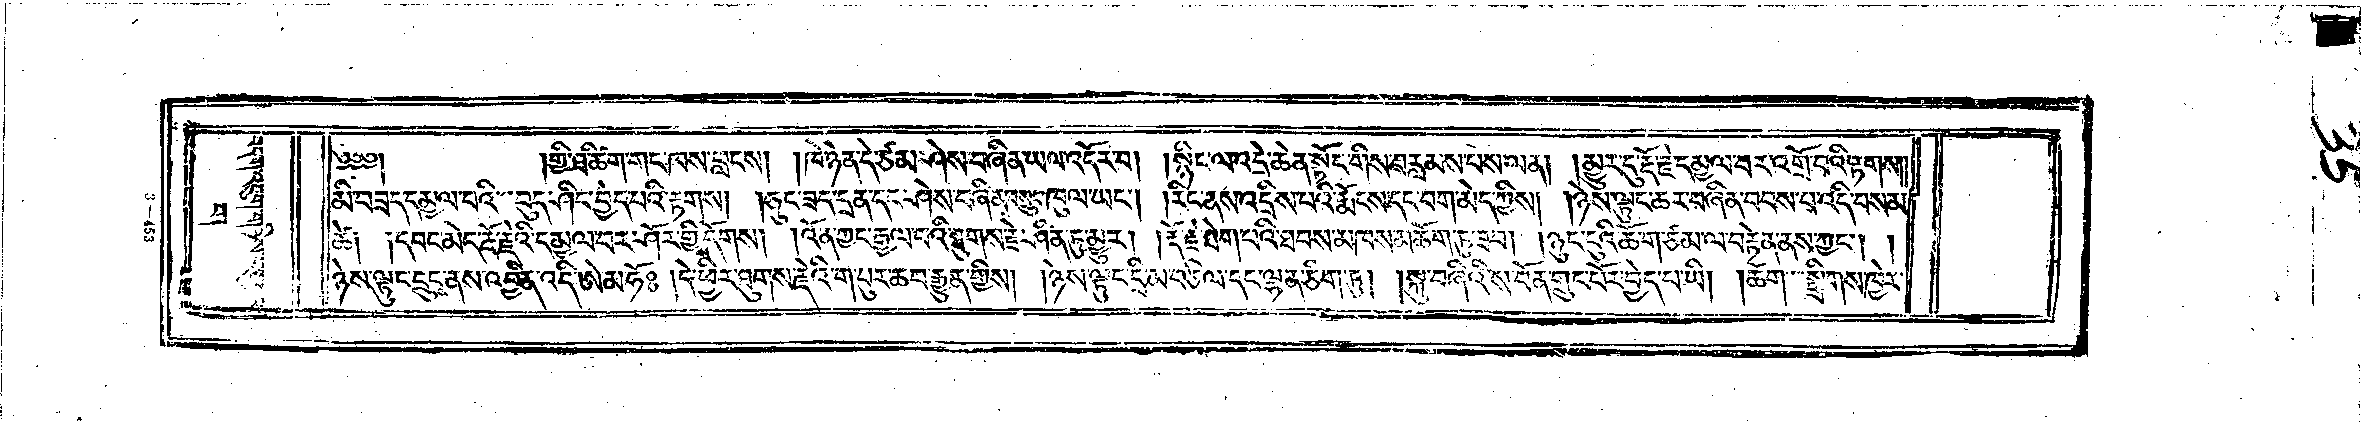༄༅། །གྱི་ཐ་ཚིག་གང་ཁས་བླངས། །ཁེ་ཉེན་དེ་ཙམ་ཤེས་བཞིན་ཡལ་འདོར་བ། །སྙིང་ལ་འདྲེ་ཆེན་སྟོང་གིས་བརླམས་པས་ལན། །མྱུར་དུ་རྡོ་རྗེ་དམྱལ་བར་འགྲོ་བའི་རྟགས།།
མི་བཟད་དམྱལ་བའི་བུད་ཤིང་བྱེད་པའི་རྟགས། །ཅུང་ཟད་དྲན་དང་ཤེས་བཞིན་བསྲུང་ཁུལ་ཡང་། །རིང་ནས་འདྲིས་པའི་རྨོངས་དང་བག་མེད་ཀྱིས། །ཉེས་ལྟུང་ཆར་བཞིན་བབས་པ་འདི་བསམ་
ཚེ༑ ༑དབང་མེད་རྡོ་རྗེའི་དམྱལ་བར་ཤོར་གྱིས་དོགས། །འོན་ཀྱང་རྒྱལ་བའི་ཐུགས་རྗེ་ཤིན་ཏུ་མྱུར། །རྡོ་རྗེ་ཐེག་པའི་ཐབས་མཁས་མཆོག་ཏུ་ཟབ། །ཉུང་ངུའི་ཆོ་ག་ཙམ་ལ་བརྟེན་ནས་ཀྱང་། །
ཉེས་ལྟུང་དྲུང་ནས་འབྱིན་འདི་ཨེ་མམཧོཿ །དེ་ཕྱིར་ཐུགས་རྗེའི་ག་པུར་ཆབ་རྒྱུན་གྱིས། །ཉེས་ལྟུང་དྲི་མ་བཅིལ་དང་ལྷན་ཅིག་ཏུ། །སྐུ་བཞིའི་ས་བོན་གྲུང་པོར་བྱེད་པ་ཡི། །ཚེག་སྒྲིགས་ཁྱེར་